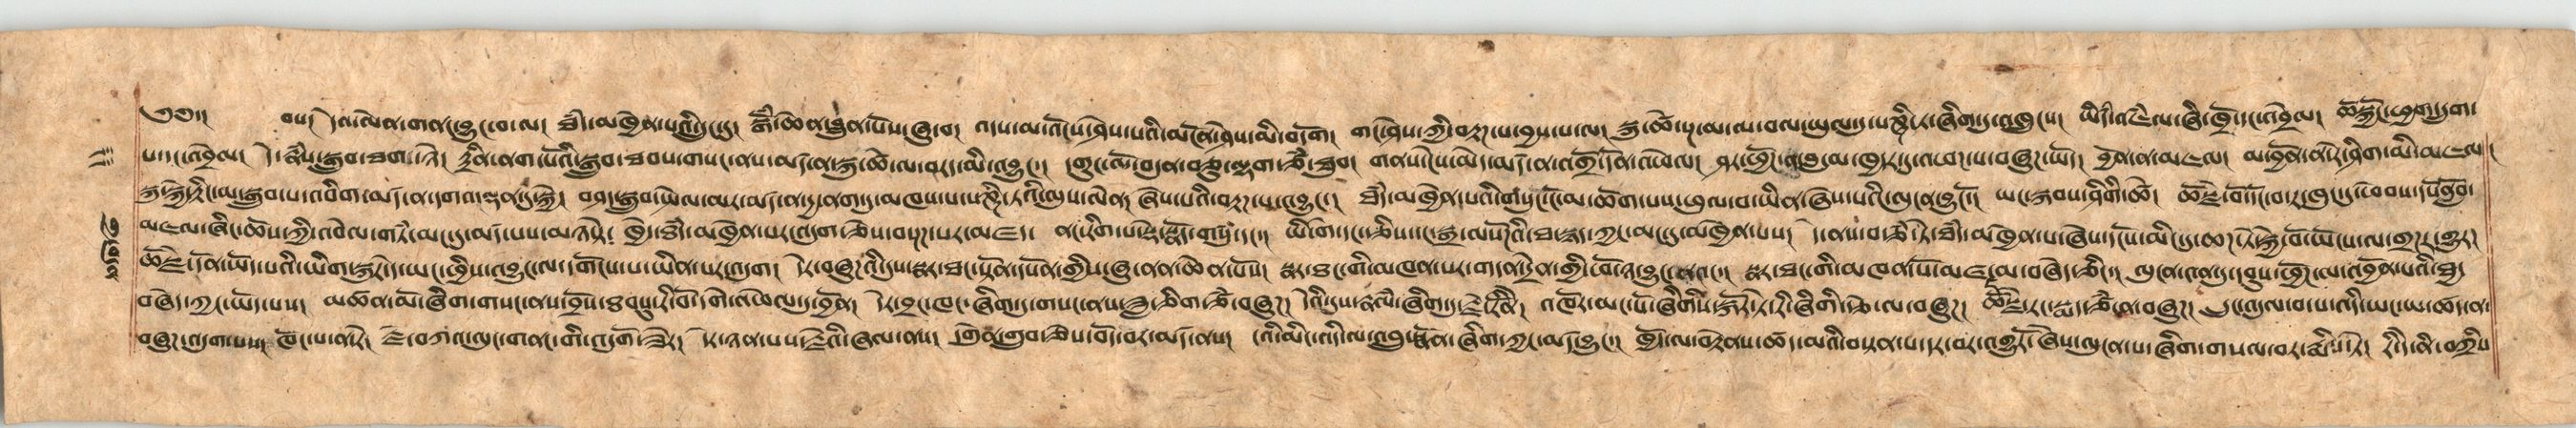༄༅་། བས། དེའ་ལེན་གནང་བྱུང་བ་ལ། ཐཾད་མཁྱེན་པའི་དྲུང་དུ། སྒོཾ་ཆེན་བླུན་པོས་ཞུ་བ། འདས་མ་འོངས་ཤེས་པའི་མངོན་ཤེས་མི་བདོག། གང་ཤེས་ཀྱི་བརྟཌ་པ་བྱས་པ་ལ། སྐུ་ཚེ་སྔ་མ་བལ་ཡུལ་དུ་པཎྜི་ཏ་ཞིག་ཏུ་འཁྲུངས། ཡིདཾ་འཇཾལ་ཞི་ཁྲོ་དང་འབྲེལ། ཆོསྐྱོང་ཕྱག་དྲུག་
པ་དང་འབྲེལ། དེ་རྣཾས་སྒྲུབ་ཐག་ཉེ། རྟྲིན་ནག་པོའི་སྒྲུབ་ཐབས་གསང་ནས་མཛད་ན་སྐུ་ཚེ་ལ་བརད་མི་འབྱུང་། དགུང་ལོ་བདུན་ཅུ་ལྷག་ཙཾ་ཐུབ། གནས་ངེས་མེད་མཛད་ན་འགྲོ་དོན་འཕེལ། ཤར་ཕྱོཌ་ན་བླ་མ་ཁྱདར་དུ་འཕཌ་པ་བཞུཌ་ཡོད། བྱོན་ན་མཇལ། མ་བྱོན་ན་རེ་ཤིག་མི་མཇལ་
སྐུ་སྐྱེ་རྟིང་མ་སྒྲུབ་པ་འབིག་མཛད་ན་དགའ་ལྡན་དུ་སྐྱེ། བཤད་སྒྲུབ་སྤེལ་མར་མཛད་ན་དྱ་ནག་དུ་མཁས་པ་པཎྚི་ཏའི་ལུས་ལེན། ཞེས་པའི་བརྟཌ་པ་འབྱུང་། ཐཾད་མཁྱེན་པའི་གསུང་ངོ་མ་ཆོག་པས་ཕུལ་བ་ཡིན་ཞེས་པའི་ལུངན་བྱུང་ངོ་། ཡང་སྐབས་ཤིགི་ཚེ། ཆོསྗེ་བོ་དོང་བ་ར་ཁུད་དུ་ཕེབས་དཔོནློབ་
མཇལ་ཞིང་ཆོས་ཀྱི་འབེལ་གཏཾ་མང་དུ་མཛད་པས་མཉསྟེ། ཁྱེད་ཐཾད་མཁྱེན་པར་འདུག་ཅེས་བསྔཌ་པ་མཛད། ནང་རིག་པ་སྡེ་སྣོད་གསུཾ་དང་། ཡི་གེ་དང་རྩིས་དང་སྒྲ་ལསོཌའི་ཐ་སྙད་ཀྱང་མང་དུ་མཁྱེན་པས། དེ་ནས་བརྩཾ་ཏེ་ཐཾད་མཁྱེན་པ་ཞེས་དངོས་མིང་དུ་ཆཌ་ཏེ་སྐྱེ་བོ་ཡོངས་ལ་གྲཌར་གྱུར།
ཆོསྗེ་དོན་ཡོད་པའི་ཡིག་སྐུར་དེ་ཡང་ཕྱིས་འབྱུང་ལ་དགོངས་པ་ཡིན་པར་འདུག། དེར་བཞུཌའི་དུས་སྣར་ཐང་སྟོན་དཔོན་གྱིས་ཞུ་ནན་ཆེན་པོས། སྣར་ཐང་གི་མཁན་པོར་གདན་དྲེན་གྱི་ཕོ་ཉ་བྱུང་ནའང་། སྣར་ཐང་གི་མཁན་པོ་མཛད་མ་བཞེད་ཅིང་། ལུངན་༤ན་དབུས་ཕྱོཌ་ལ་འབྱོན་པའི་ཐྱ་
བཞེད་ཀྱང་ཡོད་པས། མཚན་མོ་ཞིག་གསང་ནས་བྲོས་ཐབསུ་རི་བོ་དགེ་འཕེལ་དུ་བྱོན། དེར་བྲང་ཁང་ཞིག་དུ་གསང་ནས་ཟླ་ཅིག་ཙཾ་བཞུཌ། དེའི་དུས་རྣལཾ་ཞིག་དུ་རྗེ་རིནོེ། འཁོར་མང་པོ་ཞིགིས་སྐོར་ཏེ་རི་ཞིགི་རྩེ་ལ་བཞུཌ། ཆོསྗེ་རང་སྨད་ཙཾ་ན་བཞུཌ། དྲུང་འདུལ་བ་པ་འདི་ཡང་ཡ་ཚད་ན་
བཞུཌ་འདུག་པས། ཁོང་པ་ན་རེ། རྗེ་བཀའ་ལུང་གནང་གི་འདུགོ་ཟེར། དེར་ཉན་པས་རྗེའི་ཞལ་ནས། དགེུན་གྲུབ་ཅེས་བོད་བར་མཛད་ནས། ངའི་མིང་འདི་ལ་འབྲུ་སྣོན་ཞིག་ཀྱང་མཛད་བྱུང་། ཁྱོད་ལ་བརྟེནས་ཚད་མའི་བསྟན་པ་དར་བར་འགྱུརོ་ཞེས་ལུངན་པ་ཞིག་གསལ་བར་རྨིས་ཏེ། རི་དེ་ནི་བཀྲིས་